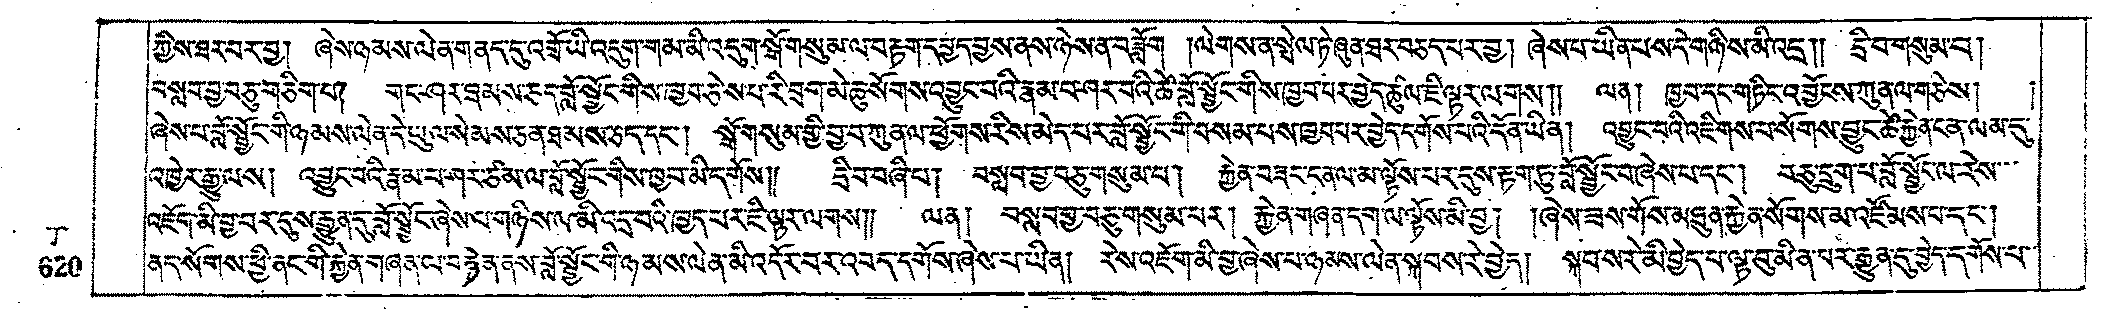ཀྱིས་ཐར་བར་བྱ། ཞེས་ཉམས་ལེན་གནད་དུ་འགྲོ་ཡི་འདུག་གམ་མི་འདུག་སྒོ་གསུམ་ལ་བརྟག་དཔྱད་བྱས་ནས་ཉེས་ན་བཟློག །ལེགས་ན་སྤེལ་ཏེ་ཞུན་ཐར་བཅད་པར་བྱ། ཞེས་པ་ཡིན་པས་དེ་གཉིས་མི་འདྲ། །དྲི་བ་གསུམ་པ།
བསླབ་བྱ་བཅུ་གཅིག་པ། གང་ཤར་ཐམས་ཅད་བློ་སྦྱོང་གིས་ཁྱབ་ཅེས་པ་རི་བྲག་མེ་ཆུ་སོགས་འབྱུང་བའི་རྣམ་པ་ཤར་བའི་ཚེ་བློ་སྦྱོང་གིས་ཁྱབ་པར་བྱེད་ཚུལ་ཇི་ལྟར་ལགས།། ལན། ཁྱད་དང་གཏིང་འབྱོངས་ཀུན་གཅེས། །
ཞེས་པ་བློ་སྦྱོང་གི་ཉམས་ལེན་དེ་ཡུལ་སེམས་ཅན་ཐམས་ཅད་དང་། སྒོ་གསུམ་གྱི་བྱ་བ་ཀུན་ལ་ཕྱོགས་རིས་མེད་པར་བློ་སྦྱོང་གི་བསམ་པས་ཁྱབ་པར་བྱེད་དགོས་པའི་དོན་ཡིན། འབྱུང་བའི་འཇིགས་པ་སོགས་བྱུང་ཚེ་རྐྱེན་ངན་ལམ་དུ་
འཁྱེར་རྒྱུ་ལས། འབྱུང་བའི་རྣམ་པ་ཤར་ཙམ་ལ་བློ་སྦྱོང་གིས་ཁྱབ་མི་དགོས། དྲི་བ་བཞི་པ། བསླབ་བྱ་བཅུ་གསུམ་པ། རྐྱེན་བཟང་ངན་ལ་མ་ལྟོས་པར་དུས་རྟག་ཏུ་བློ་སྦྱོང་བ་ཞེས་པ་དང་། བཅུ་དྲུག་པ་བློ་སྦྱོང་ལ་རེས་་་
འཇོག་མི་བྱ་བར་དུས་རྒྱུན་དུ་བློ་སྦྱོང་ཞེས་པ་གཉིས་ལ་མི་འདྲ་བའི་ཁྱད་པར་ཇི་ལྟར་ལགས།། ལན། བསླབ་བྱ་བཅུ་གསུམ་པར། རྐྱེན་གཞན་དག་ལ་ལྟོས་མི་བྱ། །ཞེས་ཟས་གོས་མཐུན་རྐྱེན་སོགས་མ་འཇོམས་པ་དང་།
ནད་སོགས་ཕྱི་ནང་གི་རྐྱེན་གཞན་ལ་བརྙེན་ནས་བློ་སྦྱོང་གི་ཉམས་ལེན་མི་འདོར་བར་འབད་དགོས་ཞེས་པ་ཡིན། རེས་འཇོག་མི་བྱ་ཞེས་པ་ཉམས་ལེན་སྐབས་རེ་བྱེད། སྐབས་རེ་མི་བྱེད་པ་ལྟ་བུ་མིན་པར་རྒྱུན་དུ་བྱེད་དགོས་པ་་་